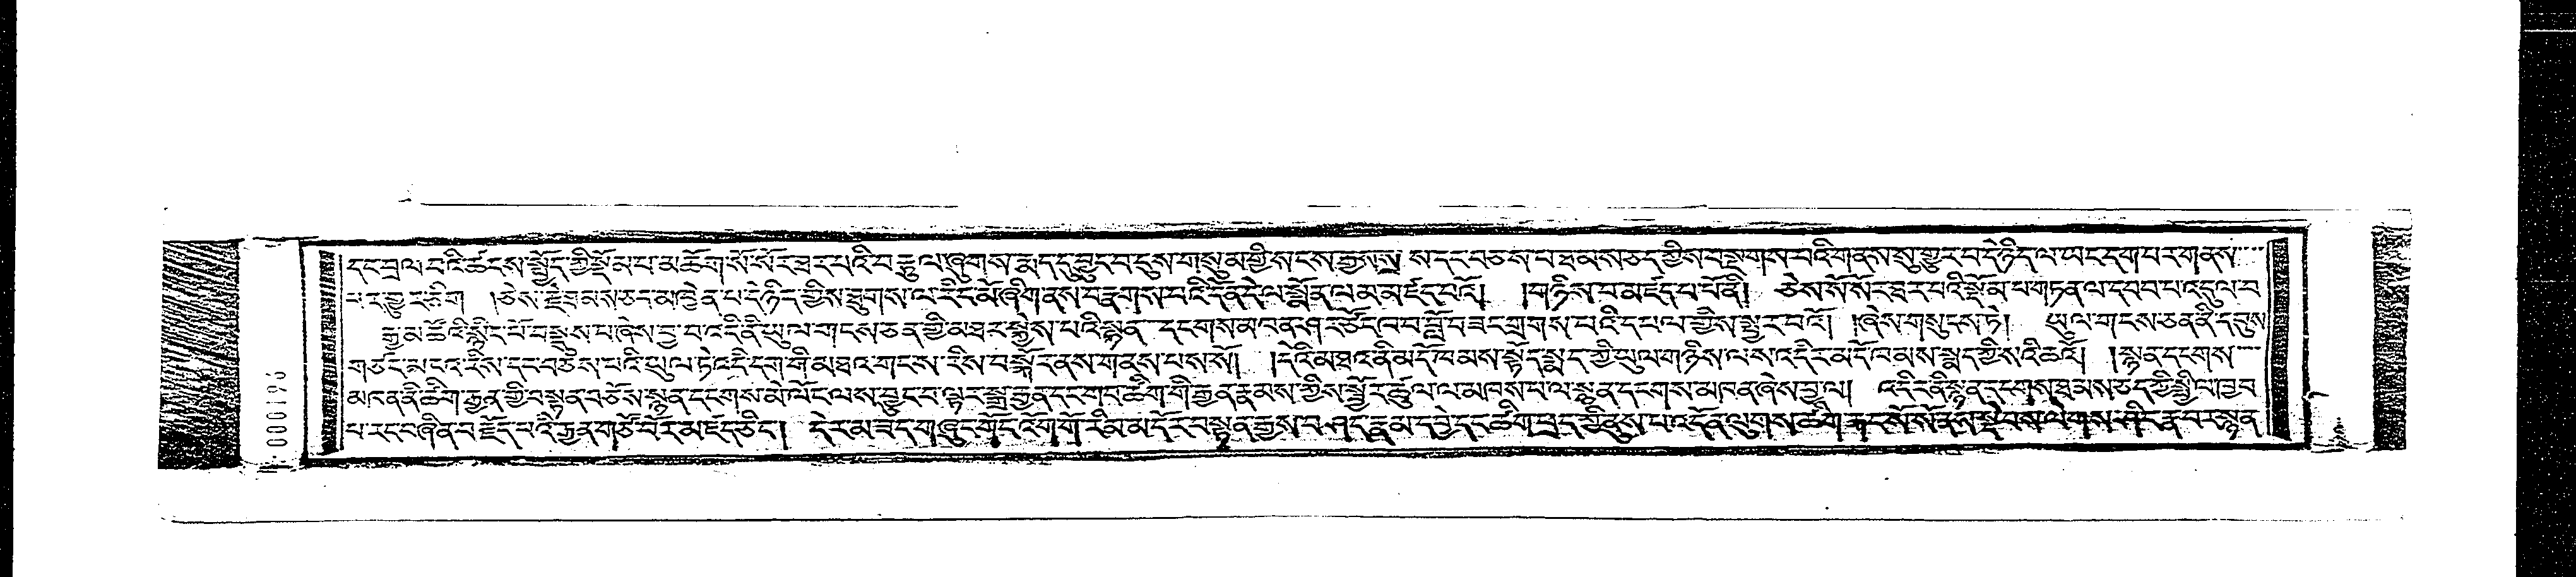དང་བྲལ་བའི་ཚངས་སྤྱོད་ཀྱི་སྡོམ་པ་མཆོག་སོ་སོར་ཐར་པའི་བརྟུལ་ཞུགས་རྨད་དུ་བྱུང་བ་དུས་གསུམ་གྱི་སངས་རྒྱས་སྲས་དང་བཅས་པ་ཐམས་ཅད་ཀྱིས་བསྔགས་པའི་གནས་སུ་གྱུར་པ་དེ་ཉིད་ལ་ཡང་དག་པར་གནས་
པར་གྱུར་ཅིག །ཅེས་རྗེ་ཐམས་ཅད་མཁྱེན་པ་དེ་ཉིད་གྱིས་ཐུགས་ལ་རིང་མོ་ཞིག་ནས་བརྣགས་པའི་དོན་དེ་ལ་སྨོན་ལམ་མཛད་པའོ། །གཉིས་པ་མཛད་པ་པོ་ནི། ཅེས་སོ་སོར་ཐར་པའི་སྡོམ་པ་གཏན་ལ་དབབ་པ་འདུལ་བ་
རྒྱ་མཚོའི་སྙིང་པོ་བསྡུས་པ་ཞེས་བྱ་བ་འདི་ནི་ཡུལ་གངས་ཅན་གྱི་མཐར་སྐྱེས་པའི་སྙན་དངགས་མཁན་ཤར་ཙོང་ཁ་བ་བློ་བཟང་གྲགས་པའི་དཔལ་གྱིས་སྦྱར་བའོ། །ཞེས་གསུངས་ཏེ། ཡུལ་གངས་ཅན་ནི་དབུས་
གཙང་མངའ་རིས་དང་བཅས་པའི་ཡུལ་ཏེ་འདི་དག་གི་མཐའ་གངས་རིས་བསྐོར་ནས་གནས་པས་སོ། །དེའི་མཐའ་ནི་མདོ་ཁམས་སྟོད་སྨད་ཀྱི་ཡུལ་གཉིས་ལས་འདིར་མདོ་ཁམས་སྨད་ཀྱི་སའི་ཆའོ། །སྙན་དངགས་
མཁན་ནི་ཚིག་རྒྱན་གྱི་བསྟན་བཅོས་སྙན་དངགས་མེ་ལོང་ལས་བྱུང་བ་ལྟར་སྒྲ་རྒྱན་དང་གབ་ཚིག་གི་རྒྱན་རྣམས་ཀྱིས་སྦྱོར་ཚུལ་ལ་མཁས་པ་ལ་སྙན་དངགས་མཁན་ཞེས་བྱ་ལ། འདིར་ནི་སྙན་དངགས་ཐམས་ཅད་ཀྱི་སྤྱི་ལ་ཁྱབ་
པ་རང་བཞིན་བརྗོད་པའི་རྒྱན་གཙོ་བོར་མཛད་ཅིང་། དེར་མ་ཟད་གཞུང་གོང་འོག་གོ་རིམ་མདོར་བསྟན་རྒྱས་བཤད་རྣམ་དབྱེ་དང་ཚིག་ཕྲད་ཀྱི་ནུས་པ་འདོན་ལུགས་ཚིག་རྐང་སོ་སོ་ནས་སྡེ་བས་ལེགས་ཤིང་རྣ་བར་སྙན་